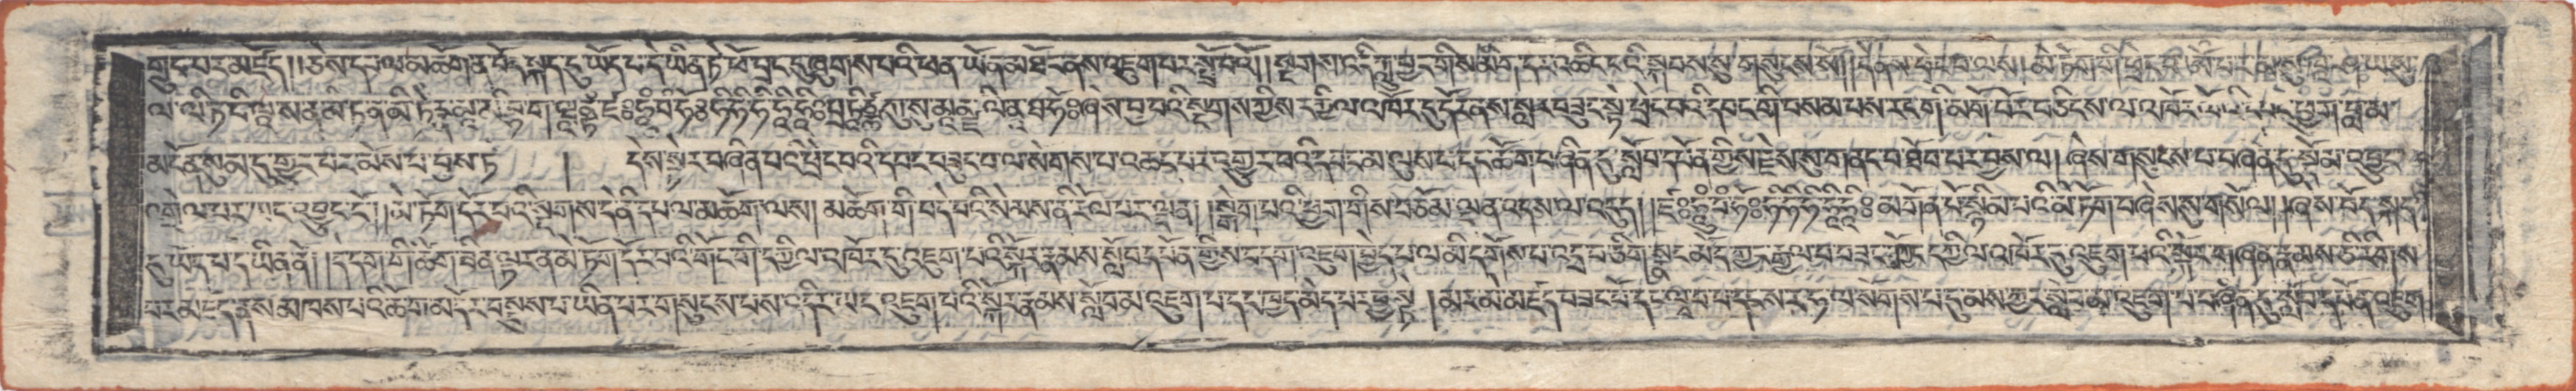གྲུབ་པར་མཛོད། །ཅེས་དཔལ་མཆོག་ན་བོད་སྐད་དུ་ཡོད་པ་དེ་ཡིན་ཏེ་ཕོ་བྲང་དུ་ཞུགས་པའི་ཕན་ཡོན་མཐོང་ནས་འཇུག་པར་སྤྲོ་བའོ། །སྔགས་འདི་ཀླུ་བྱང་གིས་མིག་དར་འཆིང་བའི་སྐབས་སུ་གསུངས་སོ། །དེ་ནས་ཕྲེང་བ་ལས། མེ་ཏོག་གི་ཕྲེང་བ་ཨོཾ་པ་ར་མ་སུ་ཁཱ་ཤ་ཡ་སུ་
ལ་ལི་ཏ་བི་ལཱ་ས་ན་མི་ཏ་ན་མི་ཏཻརྣ་མཱ་མི་བྷ་ག་ཝྰྣྟཾ་ཛཿ ཧཱུཾ་བཾ་ཧོཿ ཧི་ཧི་ཧི་ཧཱི་ཧཱིཿ པྲཏཱི་ཙྪ་ཀུ་སུ་མཱནྫ་ལི་ནཱ་ཐ་ཧོཿ ཞེས་བྱ་བའི་སྔགས་ཀྱིས་དཀྱིལ་འཁོར་དུ་དོར་ནས་སླར་བཟུང་སྟེ་ཕྲེང་བའི་དབང་གི་བསམ་པས་རང་གི་མགོ་བོར་བཅིངས་ལ་འཁོར་ལོའི་དབང་ཕྱུག་བླ་མ་
མངོན་སུམ་དུ་གྱུར་པར་མོས་པ་བྱས་ཏེ། དེས་སྟེར་བཞིན་པའི་ཕྲེང་བའི་དབང་བཟུང་བ་ལ་སོགས་པ་འཆད་པར་འགྱུར་བའི་དབང་མ་ལུས་པ་དང་ཆོ་ག་བཞིན་དུ་སློབ་དཔོན་གྱིས་རྗེས་སུ་གནང་བ་ཐོབ་པར་བྱས་ལ། ཞེས་གསུངས་པ་བཞིན་དུ་སྡོམ་འབྱུང་
འགྲེལ་པར་ཡང་འབྱུང་ངོ། །མེ་ཏོག་དོར་བའི་སྔགས་དེ་ནི་དཔལ་མཆོག་ལས། མཆོག་གི་བདེ་བའི་སེམས་ནི་རོལ་པར་ལྡན། །སྒེག་པའི་ཕྱག་གིས་བཅོམ་ལྡན་འདས་ལ་འདུད། །ཛཿ ཧཱུཾ་བཾ་ཧོཿ ཧི་ཧི་ཧི་ཧཱི་ཧཱིཿ མགོན་པོ་སྙིམ་པའི་མེ་ཏོག་བཞེས་སུ་གསོལ། །ཞེས་བོད་སྐད་
དུ་ཡོད་པ་དེ་ཡིན་ནོ། །དེ་དག་གི་ཚིག་ཟིན་ལྟར་ན་མེ་ཏོག་དོར་བའི་གོང་གི་དཀྱིལ་འཁོར་དུ་འཇུག་པའི་སྐོར་རྣམས་སློབ་དཔོན་གྱིས་བདག་འཇུག་བྱེད་པ་ལ་མི་དགོས་པ་འདྲ་བ་ཅིག་སྣང་མོད་ཀྱང་རྒྱལ་བ་བཟང་པོས་ཀྱང་དཀྱིལ་འཁོར་དུ་འཇུག་པའི་སྐོར་གཞན་རྣམས་ཅི་རིགས་
པར་མཛད་ནས་མཁས་པའི་ཆོ་ག་མདོར་བསྡུས་པ་ཡིན་པར་གསུངས་པས་འདིར་ཡང་འཇུག་པའི་སྐོར་རྣམས་སློབ་མ་འཇུག་པ་དང་ཁྱད་མེད་པར་བྱ་སྟེ། མར་མེ་མཛད་བཟང་པོ་དང་ལྭ་བ་པ་དང་ས་ར་ཧ་ལ་སོགས་པ་དུ་མས་ཀྱང་སློབ་མ་འཇུག་པ་བཞིན་དུ་སློབ་དཔོན་འཇུག་